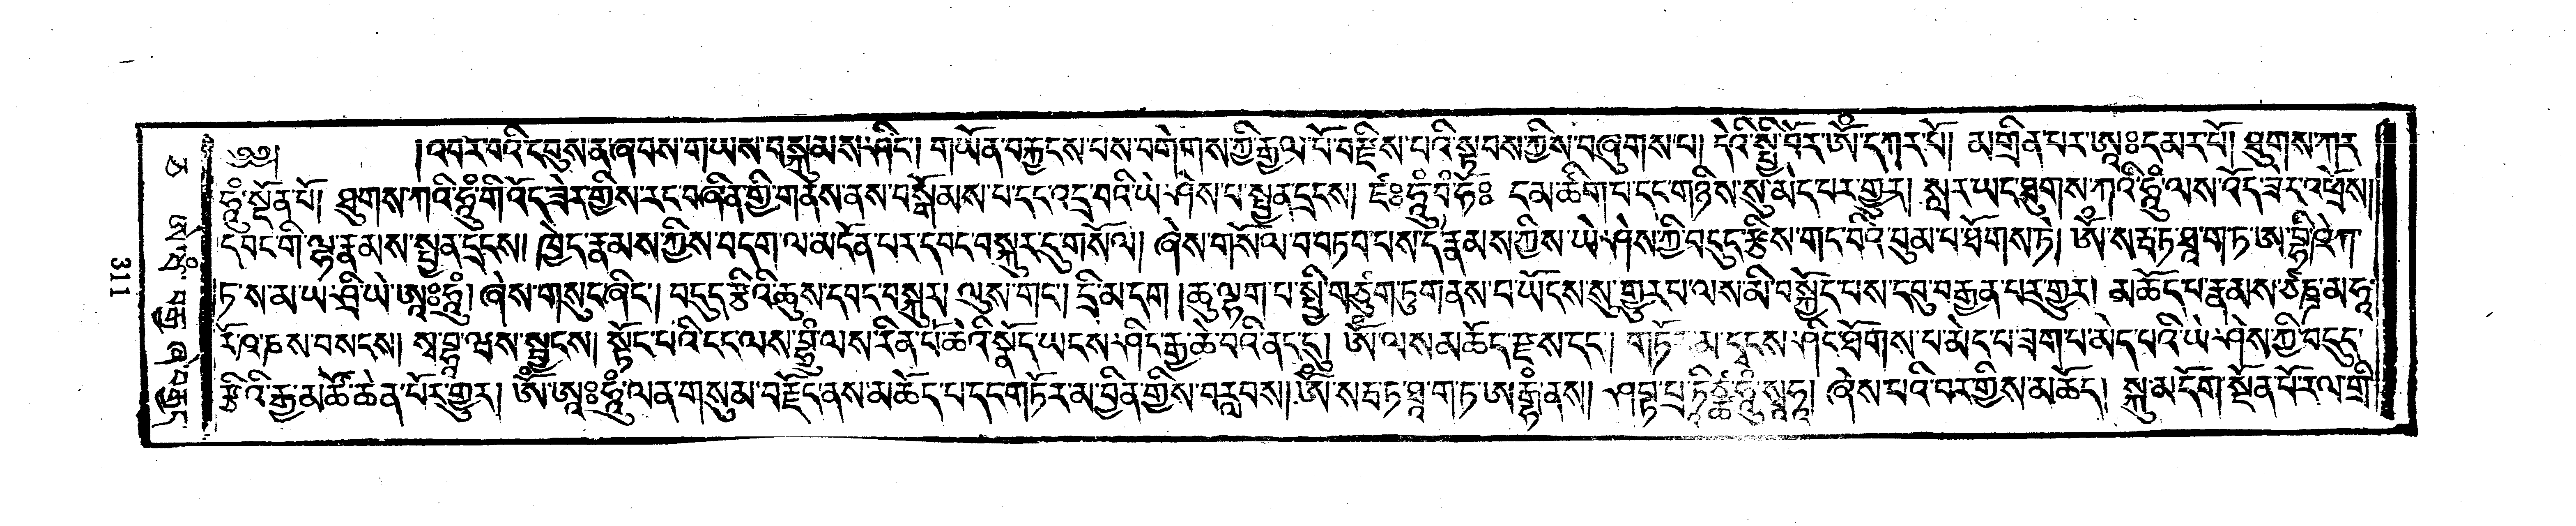༄༅། །འབར་བའི་དབུས་ན་ཞབས་གཡས་བསྐུམས་ཤིང་། གཡོན་བརྐྱངས་པས་བགེགས་ཀྱི་རྒྱལ་པོ་བརྫིས་པའི་སྟབས་ཀྱིས་བཞུགས་པ། དེའི་སྤྱི་བོར་ཨོཾ་དཀར་པོ། མགྲིན་པར་ཨཱཿ དམར་པོ། ཐུགས་ཀར་
ཧཱུཾ་སྔོན་པོ། ཐུགས་ཀའི་ཧཱུཾ་གི་འོད་ཟེར་གྱིས་རང་བཞིན་གྱི་གནས་ནས་བསྒོམས་པ་དང་འདྲ་བའི་ཡེ་ཤེས་པ་སྤྱན་དྲངས། ཛཿ ཧཱུཾ་བཾ་ཧོཿ དམ་ཚིག་པ་དང་གཉིས་སུ་མེད་པར་གྱུར། སླར་ཡང་ཐུགས་ཀའི་ཧཱུཾ་ལས་འོད་ཟེར་འཕྲོས།
དབང་གི་ལྷ་རྣམས་སྤྱན་དྲངས། ཁྱེད་རྣམས་ཀྱིས་བདག་ལ་མངོན་པར་དབང་བསྐུར་དུ་གསོལ། ཞེས་གསོལ་བ་བཏབ་པས་དེ་རྣམས་ཀྱིས་ཡེ་ཤེས་ཀྱི་བདུད་རྩིས་གང་བའི་བུམ་པ་ཐོགས་ཏེ། ཨོཾ་སརྦ་ཏ་ཐཱ་ག་ཏ་ཨ་བྷི་ཥེ་ཀ་
ཏ་ས་མ་ཡ་ཤྲི་ཡེ་ཨཱཿ ཧཱུཾ། ཞེས་གསུངས་ཞིང་། བདུད་རྩིའི་ཆུས་དབང་བསྐུར། ལུས་གང་། དྲི་མ་དག །ཆུ་ལྷག་པ་སྤྱི་གཙུག་ཏུ་གནས་པ་ཡོངས་སུ་གྱུར་པ་ལས་མི་བསྐྱོད་པས་དབུ་བརྒྱན་པར་གྱུར། མཆོད་པ་རྣམས་ཙཎྜ་མཧཱ་
རོ་ཥ་ཎས་བསངས། སྭ་བྷཱ་ཝས་སྦྱངས། སྟོང་པའི་ངང་ལས་བྷྲུཾ་ལས་རིན་པོ་ཆེའི་སྣོད་ཡངས་ཤིང་རྒྱ་ཆེ་བའི་ནང་དུ། ཨོཾ་ལས་མཆོད་རྫས་དང་། གཏོར་མ་དྭངས་ཤིང་ཐོགས་པ་མེད་པ་ཟག་པ་མེད་པའི་ཡེ་ཤེས་ཀྱི་བདུད་
རྩིའི་རྒྱ་མཚོ་ཆེན་པོར་གྱུར། ཨོཾ་ཨཱཿ ཧཱུཾ་ལན་གསུམ་བརྗོད་ནས་མཆོད་པ་དང་གཏོར་མ་བྱིན་གྱིས་བརླབས། ཨོཾ་སརྦ་ཏ་ཐཱ་ག་ཏ་ཨརྒྷཾ་ནས། ཤཔྟ་པྲ་ཏཱི་ཙྪ་ཧཱུཾ་སྭཱཧཱ། ཞེས་པའི་བར་གྱིས་མཆོད། སྐུ་མདོག་སྔོན་པོ་རལ་གྲི་